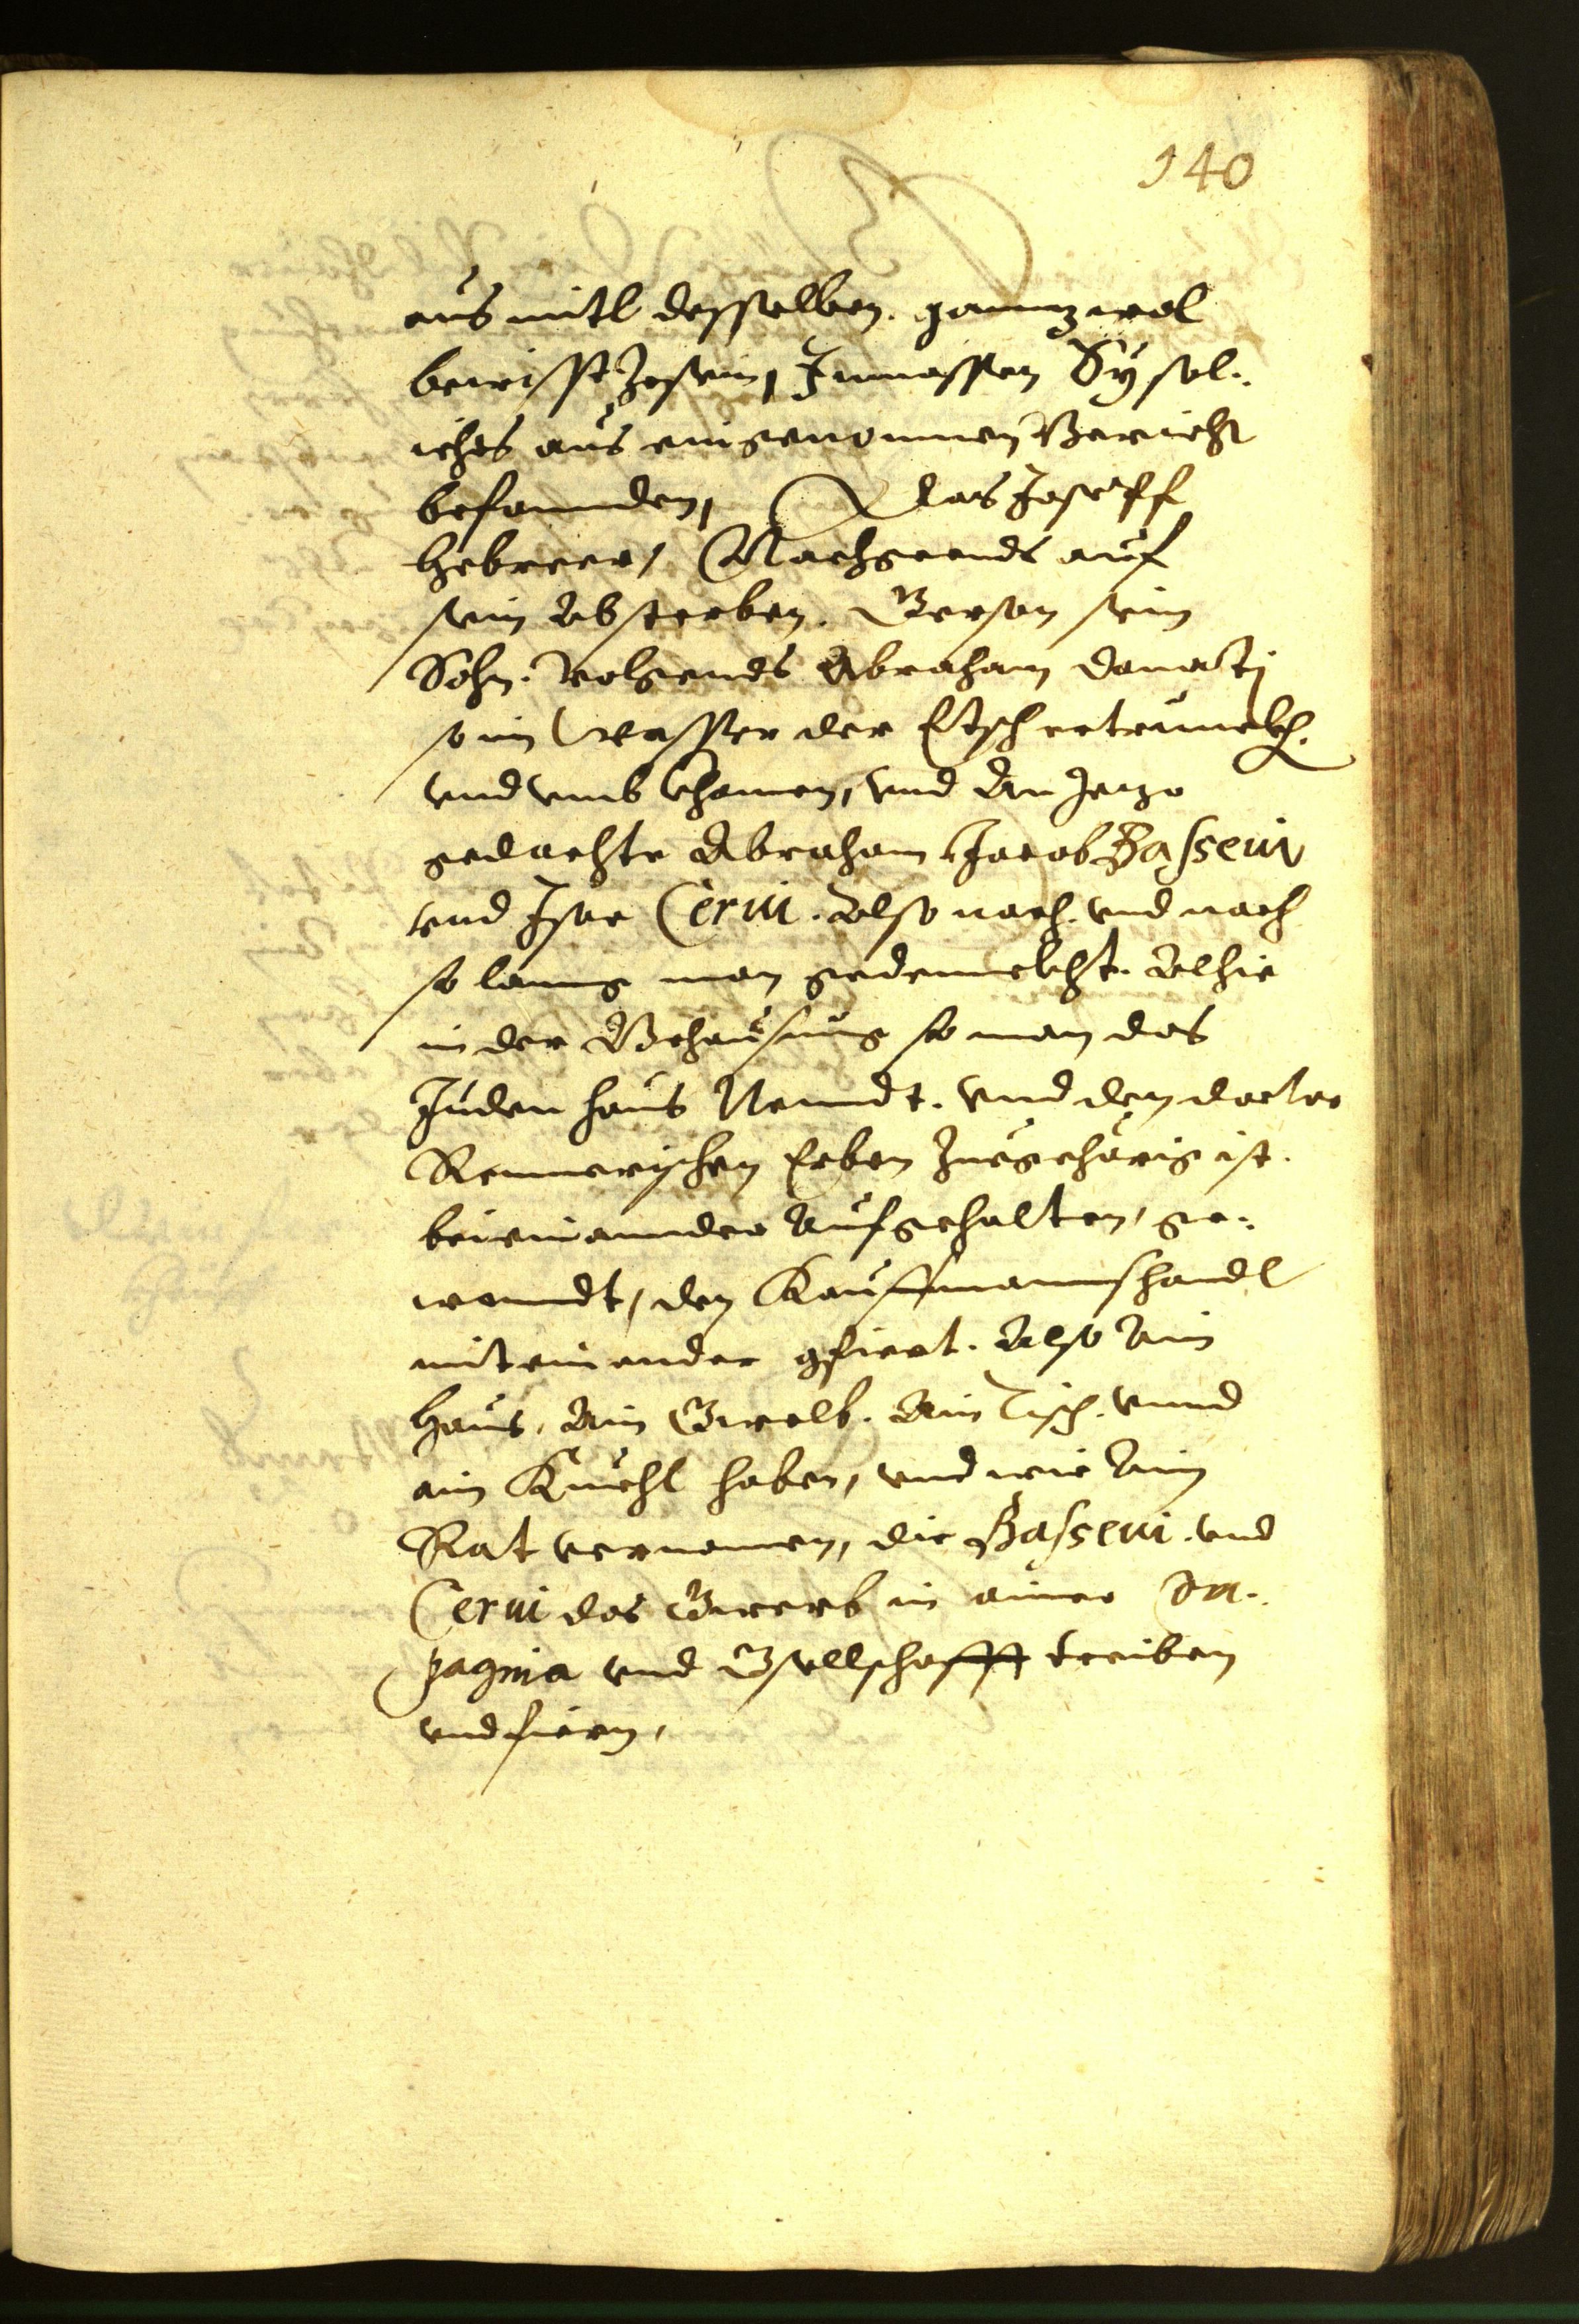140
aūs mitl desselben. gannz wol
bewisst Zesein, Inmassen Sȳ sol¬
iches aūs ein genomnen Bericht
befannden, Das Joseff
Hebreer, Nachgeends aūf
sein Absterben. Gerson sein
Sohn. volgends Abraham Danatj
so im Wasser der Etsch ertrūnckh.
vnd vmb khomen, vnd An Jezo
gedachte Abraham Jacob Basseni
vnd Isac Cerni. Also nach. vnd nach
so lanng man gedennckht. Alhie
in der Behaūsūng so man das
Jūden haūs Nenndt. vnd den dorten
Rennerischen Erben Zūegehōrig ist.
beieinannder Aūfgehalten, ge¬
wanndt, den Kaūffmannshandl
miteinander gfiert. Also Ain
Haūs, Ain Gwerb. Ain Tisch. vnnd
ain Kūchl haben, vnd wie Ain
Rat vernomen, die Basseni. vnd
Cerni das Gwerb in ainer Com¬
pagnia vnd Gsellschafft treiben
vnd fiern,